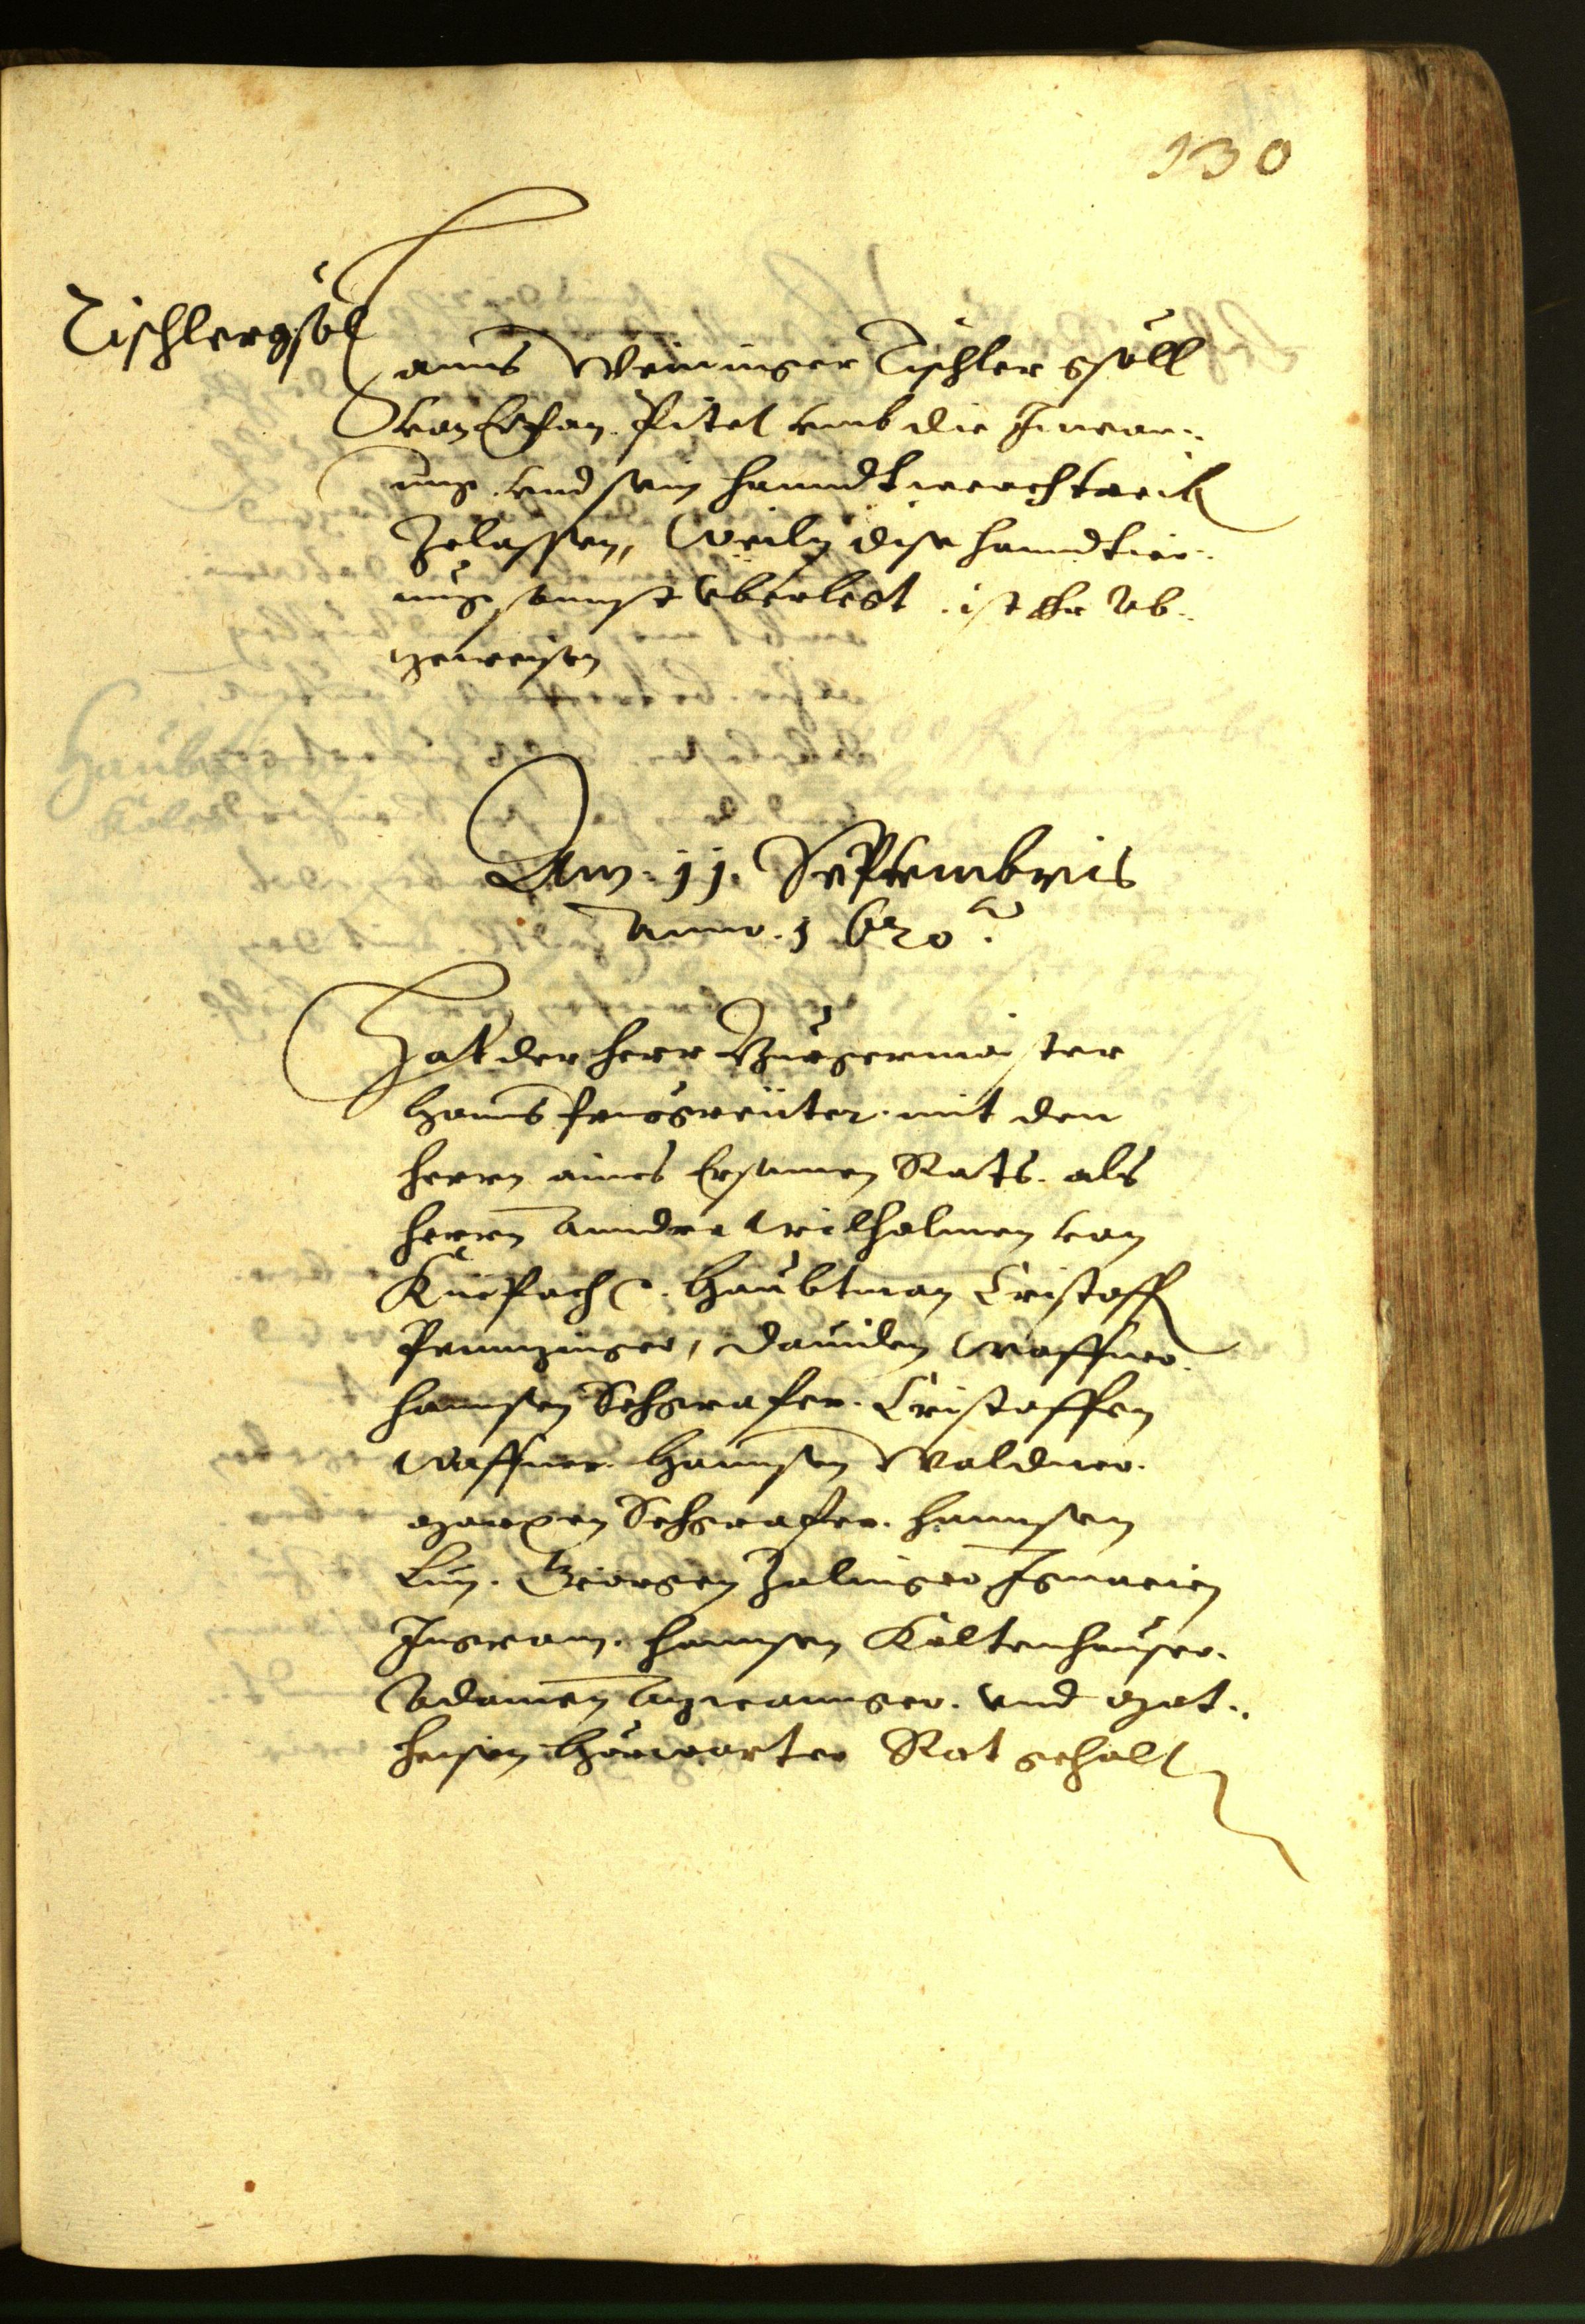130
Hanns Weininger Tischler gsōll
von Epan. Pitet vmb die Inwon¬
ūng. vnd sein hanndtwerch treib
Zelassen, Weiln dise hanndtier¬
ūng sonnst v̈berlegt. ist Er Ab¬
zeweisen
Tischlergsōl
Am: 11. SePtembris
Anno .1620.t
Hat der herr Būrgermaister
Hans Prūggreüter. mit den
herrn aines Ersamen Rats. als
herrn Anndre Wilhalmen von
Kiepach etc. Haūbtman Cristoff
Pennzinger, Daūiden Waffner.
hannsen Schgrafer. Cristoffen
Waffner. Hannsen Waldner.
Marxen Schgrafer. hannsen
Lūn. Georgen Zalinger. Ignacien
Ingram. hannsen Kaltenhaūser.
Adamen Azwannger. vnd Mat¬
heisen Hōrwarter Rat gehalt